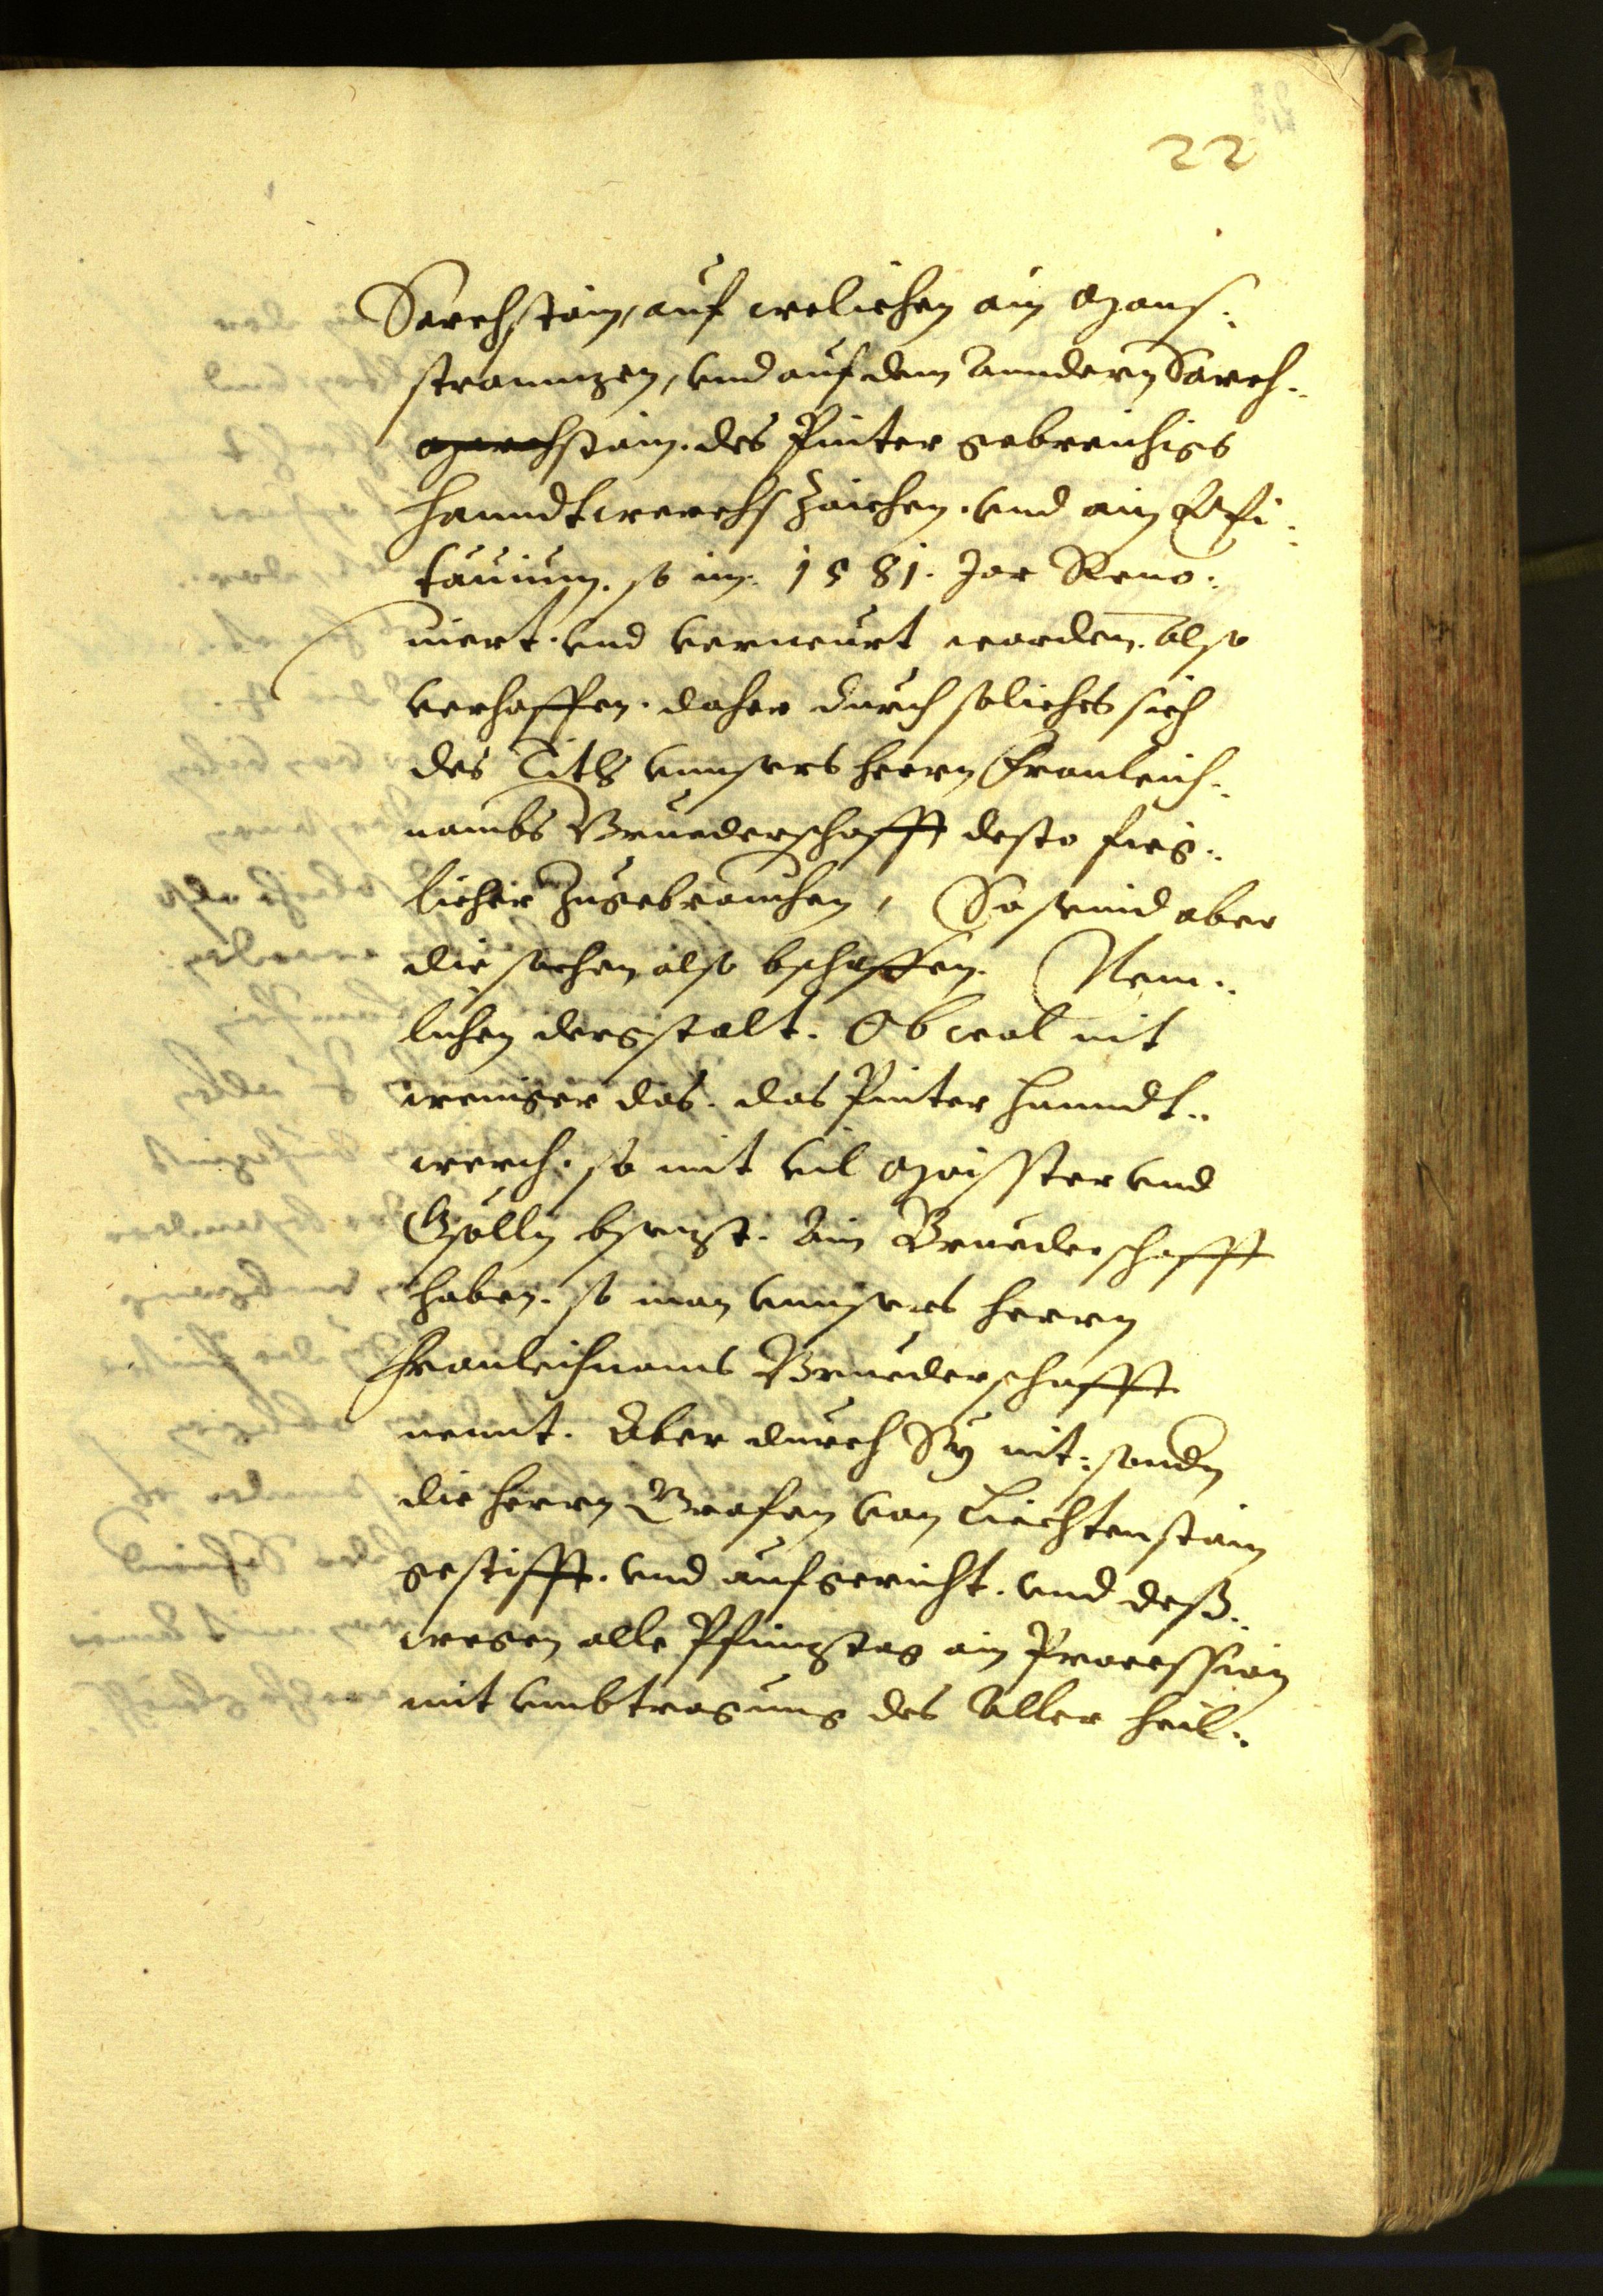22
Sarchstain, aūf welichen ain Mons¬
strannzen, vnd aūf dem Anndern Sarch¬
March stain. des Pinter gebreichigs
Hanndtwerckhs Zaichen. vnd ain Epi¬
tāūiūm. so im: 1581. Jar Reno¬
viert. vnd verneūrt worden. Also
verhoffen. daher dūrch soliches sich
des Titls vnnsers herrn Fronleich¬
nambs Brūederschafft desto fieg¬
licher Zūgebraūchen, So sind aber
die sachen also beschaffen. Nem¬
lichen derstalt. Obwol nit
weniger das das Pinter Hanndt¬
werckh. so mit vil Maisster vnd
Gsōlln bsitzt. Ain Brūederschafft
haben. so man unnsers herrn
Fronleichnams Brūederschafft
nennt. Aber dūrch Sȳ nit: sondn
die herrn Grafen von Liechtenstain
gestifft. vnd aūfgericht. vnd dess¬
wegen alle Pfinztag ain Procession
mit vmbtragūng des Aller heil¬